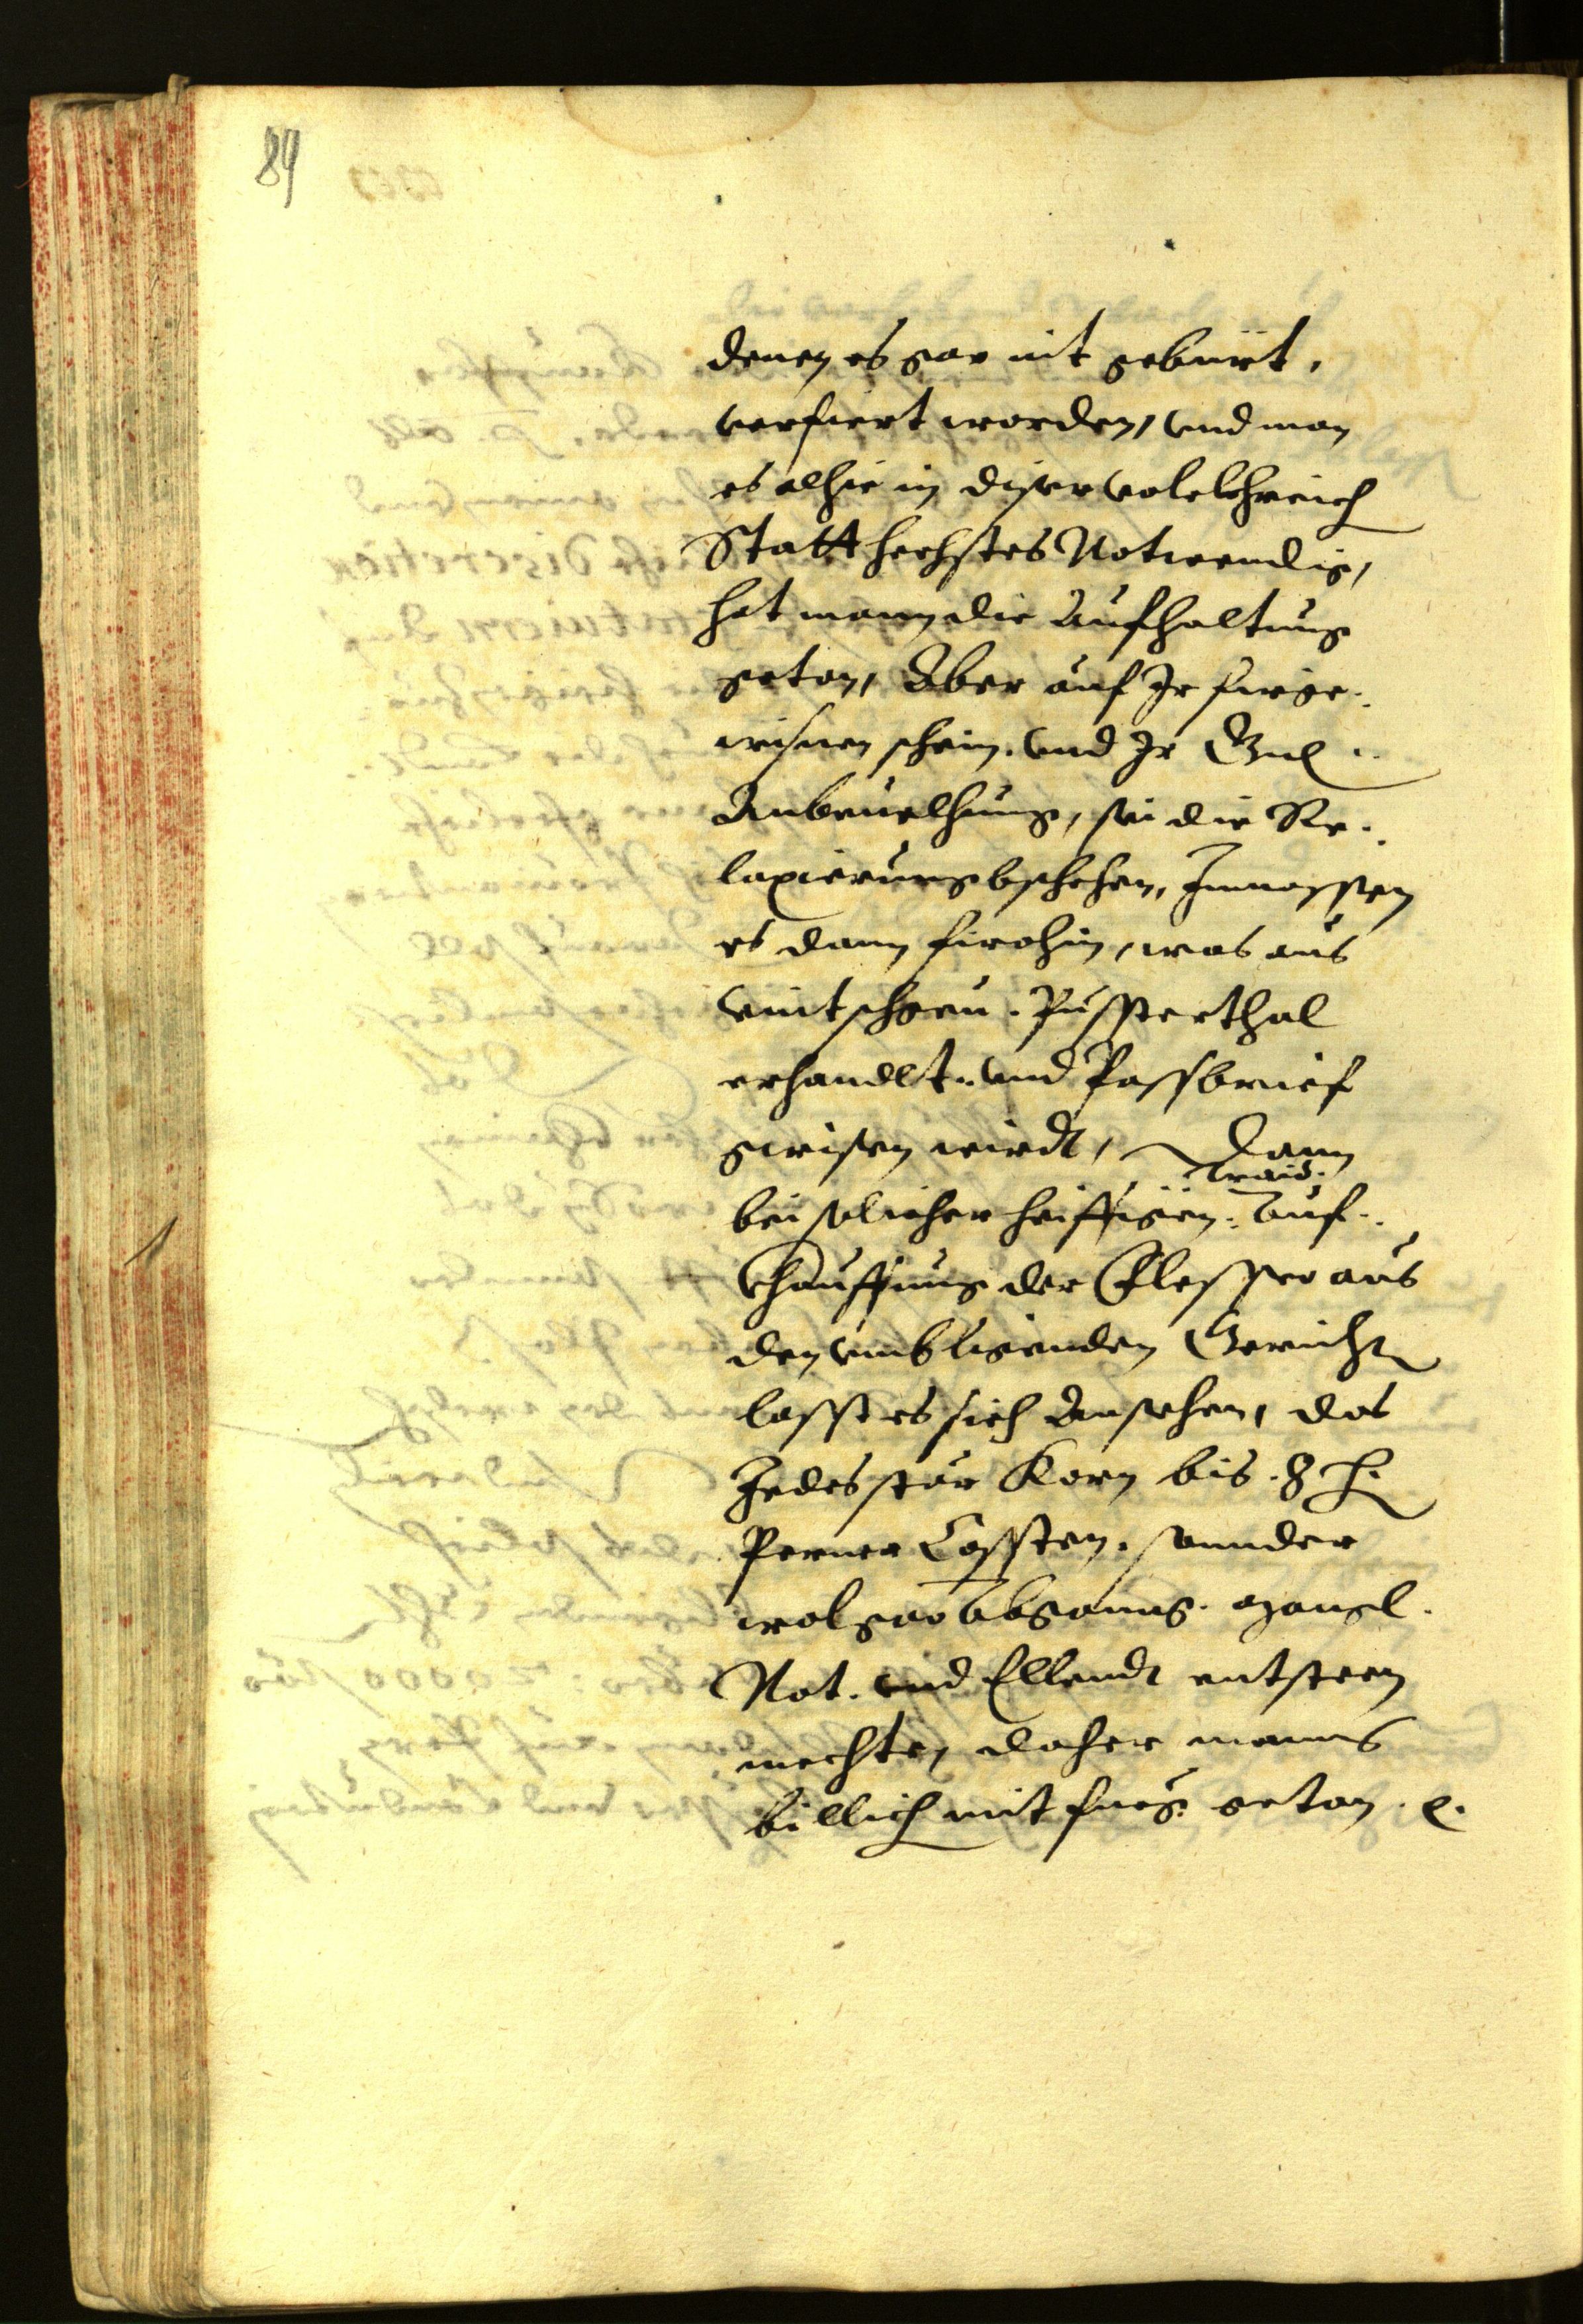89
denen es gar nit gebürt.
verfiert worden, vnd man
es alhie in dieser volckhreich
Statt hechstes Notwendig,
hat mann die Aūfhaltūng
getan, Aber aūf Ir firge¬
wisnen schein. vnd Ir Gn:
Anbeūelhūng, sei die Re¬
laxierūng bschehen, Inmassen
es dann firohin, was aūs
vintschgeū. Pūssterthal
erhandlt: vnd Passbrief
gwisen wirdt, Dann
:Traid:
bei solicher heiffigen : Aūf¬
khaūffūng der Flesser aūs
den vmbligenden Gericht
lasst es sich Ansehen, das
Jedes stār Korn bis .8 L.
Perner Cossten. sonnder
wol gar Abganng. Mangl.
Not. vnd Ellendt entsteen
mechten, daher manns
billich mit fūeg getan. etc.